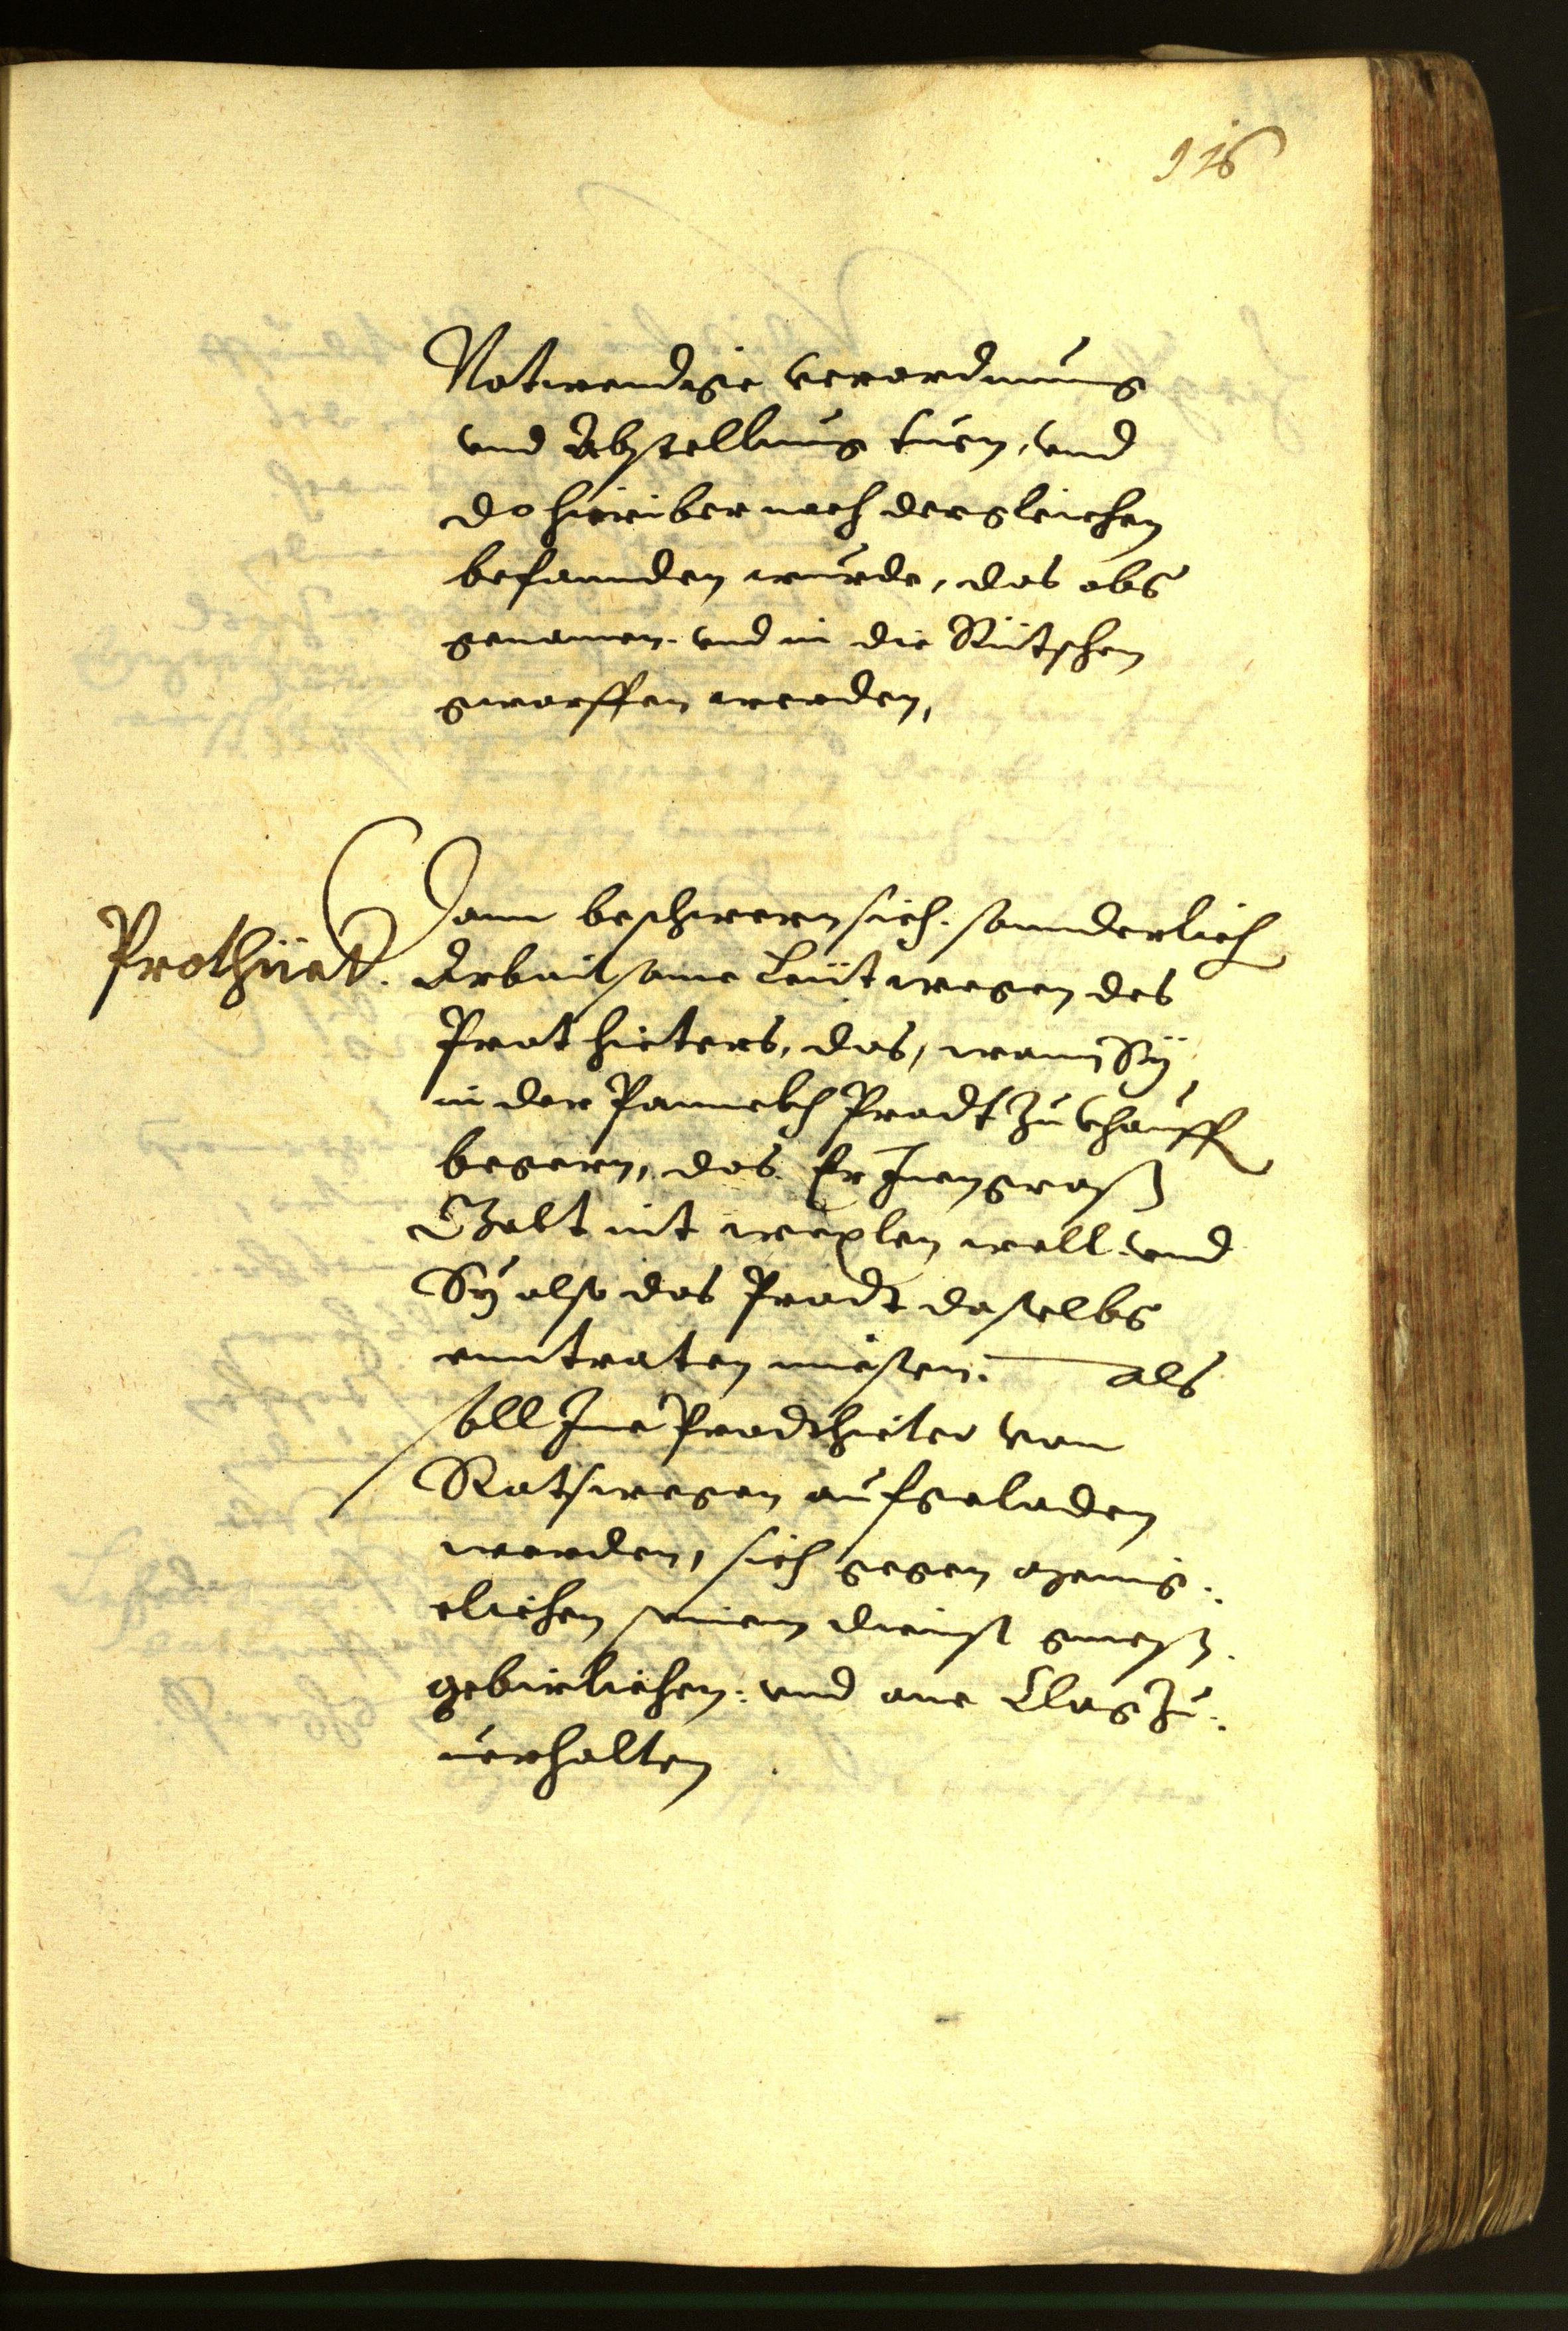116
Notwendige verordnūng
vnd Abstellūng tūen, vnd
da hieriber noch dergleichen
befannden wūrde, das obs
genomen. vnd in die Rütschen
gworffen werden,
Dann beschwern sich. sonnderlich
Arbait same Leüt wegen des
Prothieters, das, wann Sÿ
in der Pannckh Prodt Zū khaūff
begern, das Er Inen groß
Gelt nit wexlen well. vnd
Sȳ also das Prodt daselbs
enntraten miesen. Als
soll Ime Prodthieter von
Ratswegen aūfgeladen
werden, sich gegen Menig¬
elichen seinem dienst gmeß.
gebirlichen: vnd one Clag Zū¬
ūerhalten.
Prothüet.